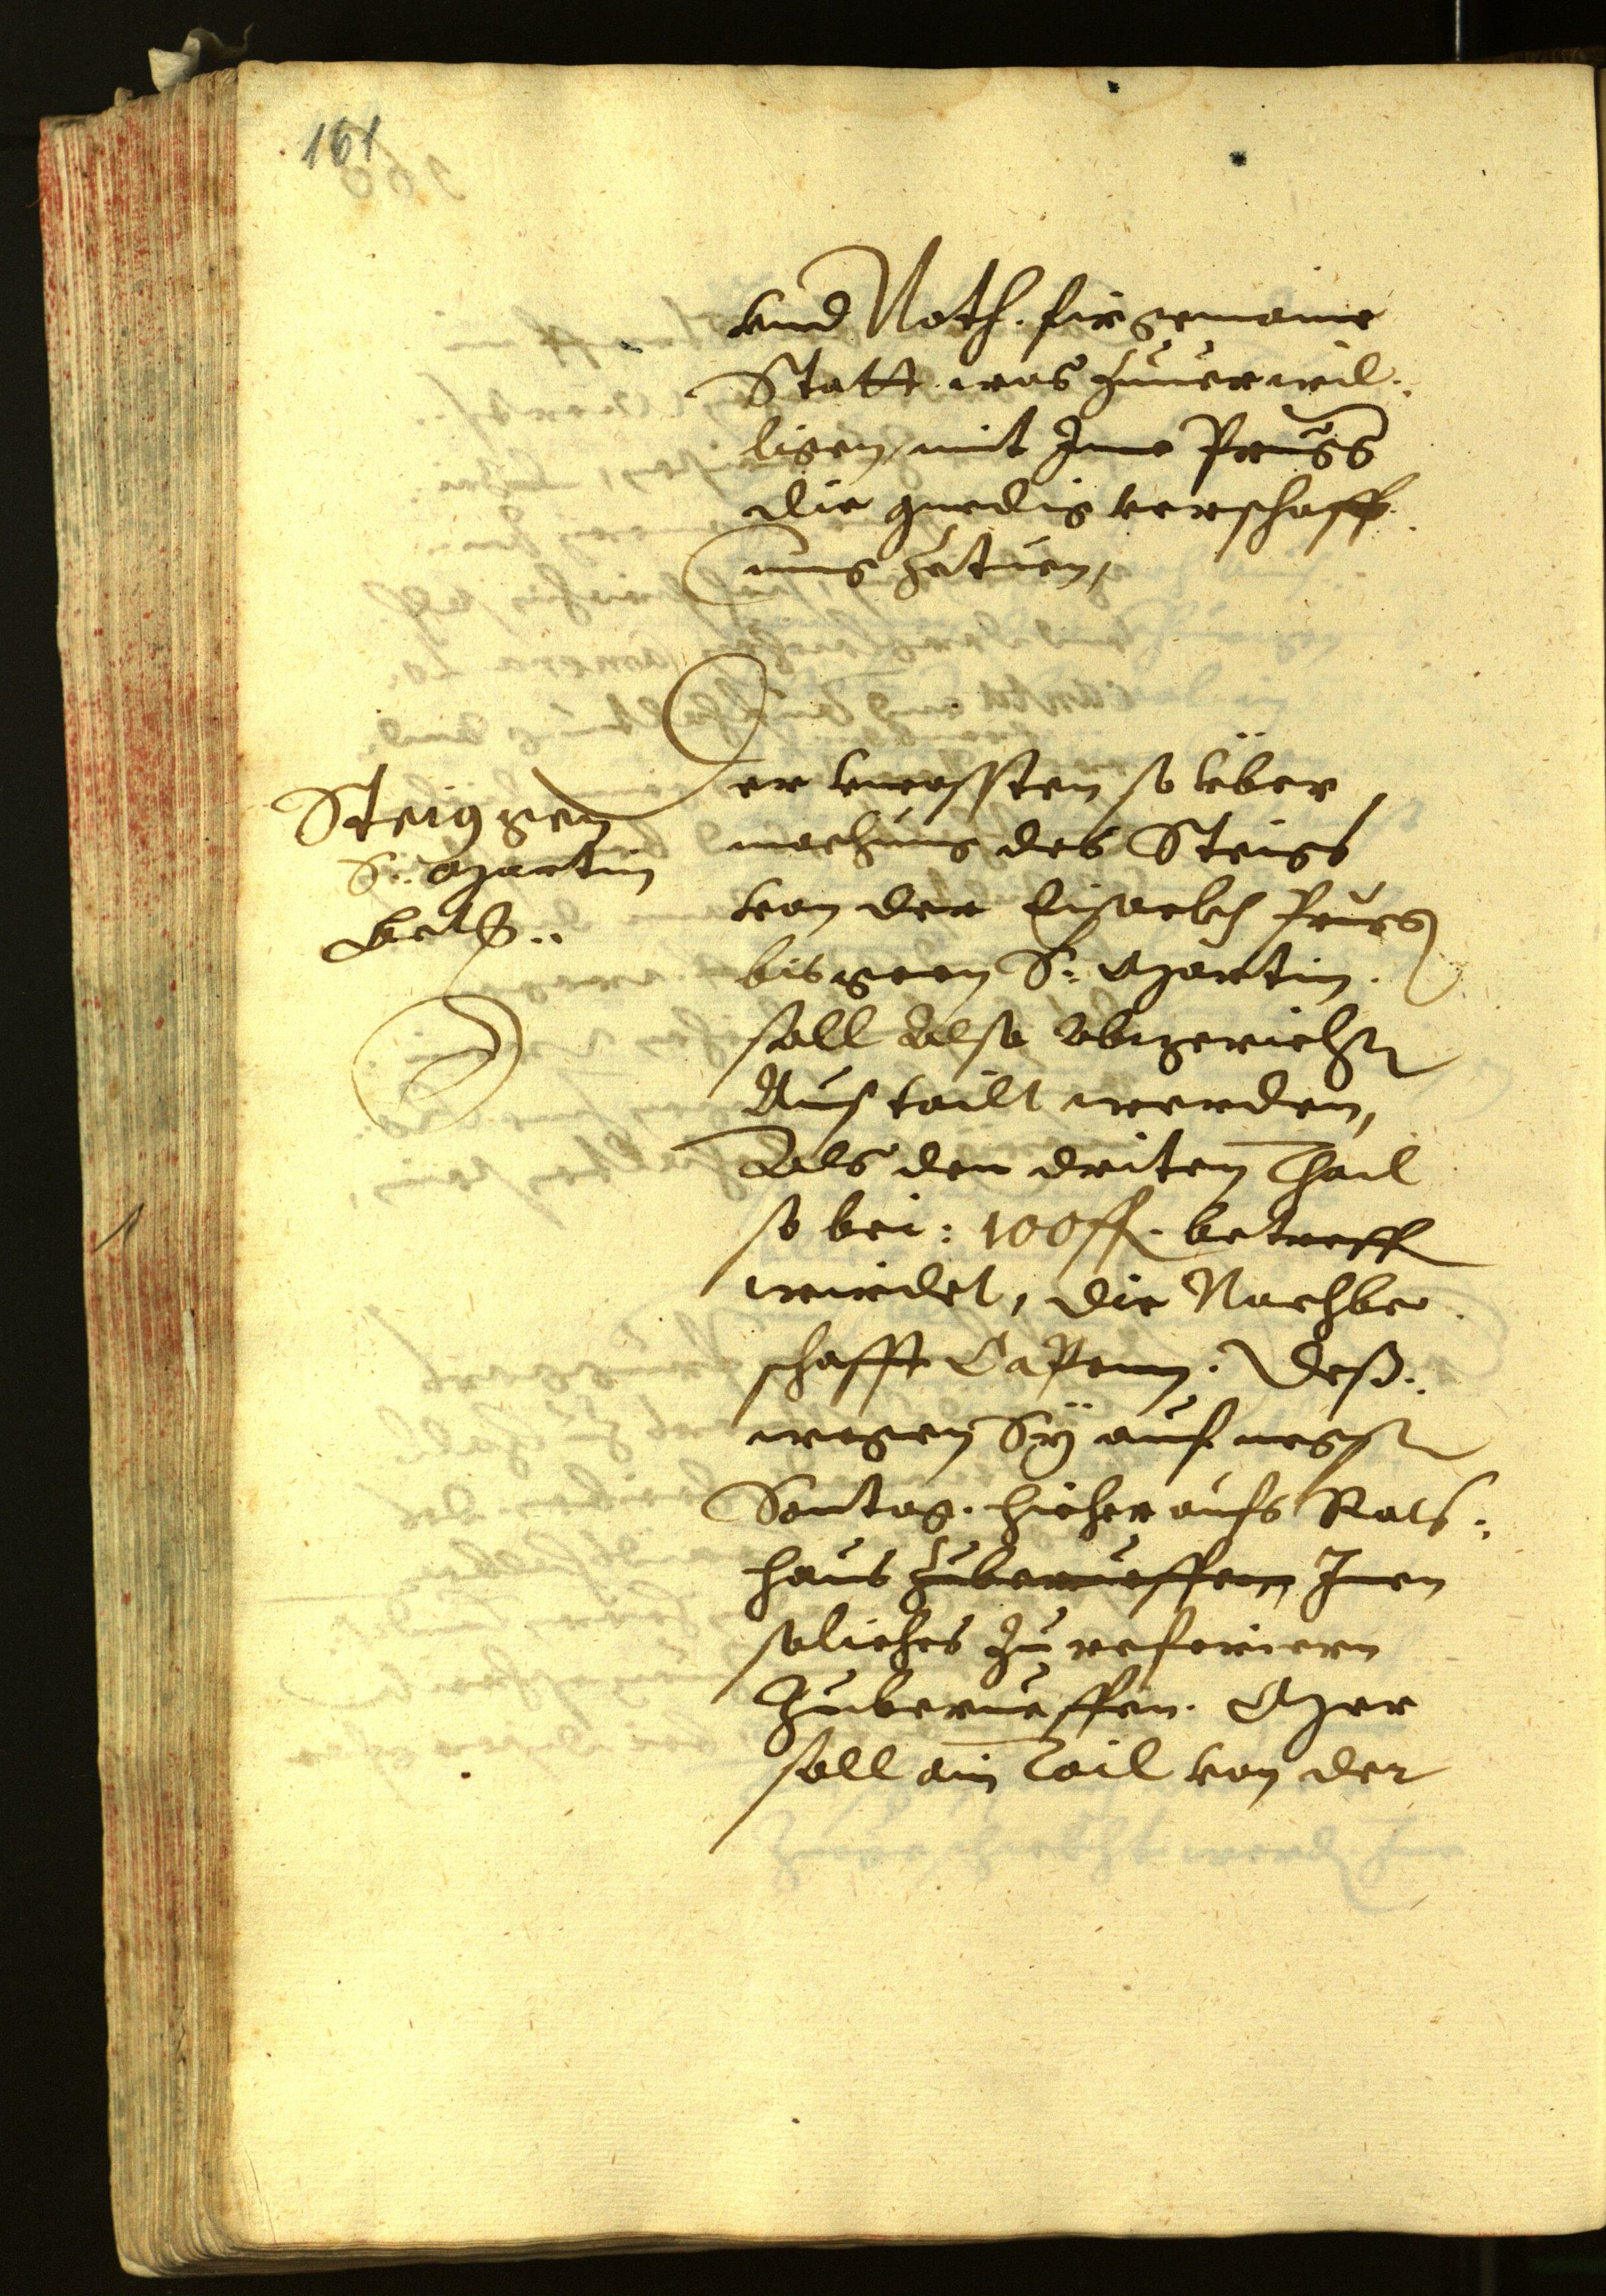161
vnd Noth. fir gemaine
Statt was Zūūerwil¬
ligen mit Ime Prūgg
die gnedig verschaff¬
ūng Zetūen,
Der vncossten so v̈ber
machūng des Steigs
von der Eisackh Prūgg
bis geen S: Martin.
soll Also Abzericht
Aūs tailt werden,
Als den driten Thail
so bei: 100 fl. betreff
wirdet, die Nachber¬
schafft Capenn. Deß¬
wegen Sÿ aūf negst
Sontag. hieher aūfs Rats¬
haūs Zūberūeffen Inen
soliches Zū referiern
Zūberūeffen. Mer
soll ain Tail von der
Steig gen
S: Martin
bet: